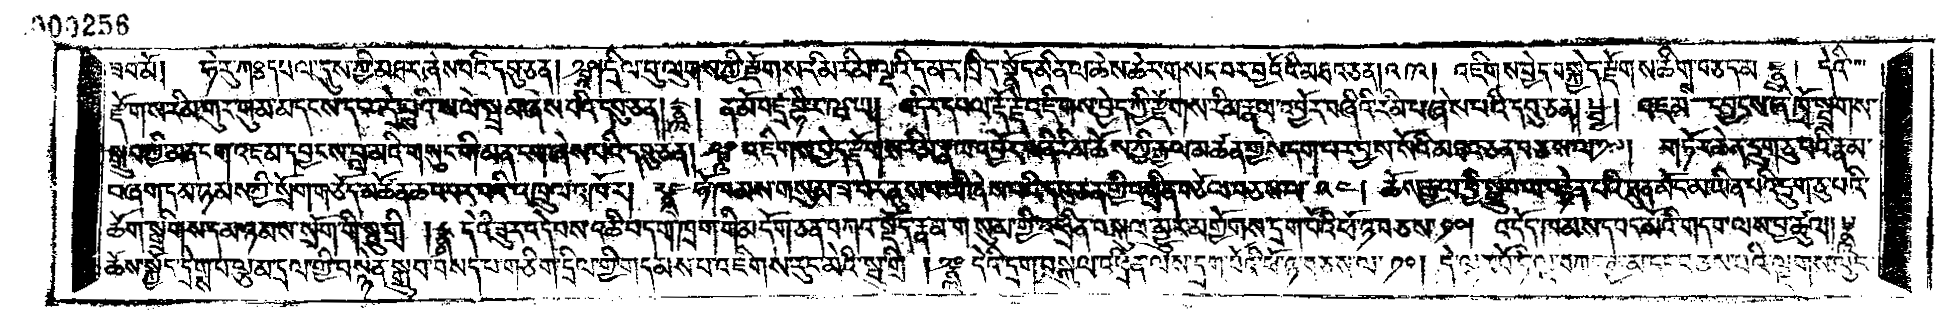ཟབ་མོ། ཧེ་རུ་ཀཿདཔལ་དུས་ཀྱི་མཐར་ཞེས་པའི་དབུ་ཅན། ༡༠བ༢་།དྲིལ་བུ་ལུགས་ཀྱི་རྫོགས་རིམ་རིམ་ལྔའི་དམར་ཁྲིད་སྣོད་མིན་ལ་ཆེས་ཆེར་གསང་བར་བྱའོའི་མཐའ་ཅན། ༢༣། འཇིགས་བྱེད་བསྐྱེད་རྫོགས་ཚིགས་བཅད་མ ༤ན༤། དེའི་
རྫོགས་རིམ་གུར་གུམ་མདངས་དང་འདྲེས་པའི་ས་ལེ་སྦྲམ་ཞེས་པའི་དབུ་ཅན། ༨ན༣། ན་མོ་བཛྲ་བྷཻ་ར་ཝ་ཡ། འདིར་དཔལ་རྡོ་རྗེ་འཇིགས་བྱེད་ཀྱི་རྫོགས་རིམ་རྣལ་འབྱོར་བཞིའི་རིམ་པ་ཞེས་པའི་དབུ་ཅན། ༥བ༤། འཇམ་དབྱངས་ཞི་ཁྲོ་སྦྲགས་
སྒྲུབ་ཀྱི་མན་ངག་འཇམ་དབྱངས་བླ་མའི་གསུང་གི་མན་ངག་ཞེས་པའི་དབུ་ཅན། ༡༠བ༢་འཇིགས་བྱེད་རྫོགས་རིམ་རྣལ་འབྱོར་བ་ནི་རིམ་ཆོས་ཀྱི་རྒྱལ་མཚན་གྱིས་དག་པར་བྱས་སོའི་མཐའ་ཅན་བཅས་ལ ༡༧། གཏོར་ཆེན་དྲུག་ཅུ་པའི་རྣམ་
བཞག་དམ་ཉམས་ཀྱི་སྲོག་གཅོད་མཚོན་ཆ་འབར་བའི་འཁྲུལ་འཁོར། ༢༤ན༢་ཧོ་ཁམས་གསུམ་ཟ་བར་ནུས་པ་ཡི་ཞེས་པའི་དབུ་ཅན་གྱི་འཕྲིན་བཅོལ་བཅས་ལ ༢༤། ཆོས་རྒྱལ་ཕྱི་སྒྲུབ་ལ་བརྟེན་པའི་ཐུན་མོང་མ་ཡིན་པའི་དྲུག་ཅུ་པའི་
ཆོག་སྒྲིགས་དམ་ཉམས་སྲོག་གི་སྦུ་གྲི་།༨ན༡་དེའི་ཟུར་འདེབས་འཆི་བདག་ཁྲག་གི་མདོག་ཅན་བཀའ་སྡོད་རྣམ་གསུམ་གྱི་འཕྲིན་བསྐུལ་མྱུར་མགྱོགས་དྲག་པོའི་ཕོ་ཉ་བཅས ༡༠། འདོད་ཁམས་དབང་མོའི་གདབ་ལས་བྱ་ཚུལ། ༥ན༣
ཆོས་སྐྱོང་དྲེགས་པ་ལྕམ་དྲལ་གྱི་བསྙེན་སྒྲུབ་བསད་པ་གཅིག་དྲིལ་གྱི་གདམས་པ་འཇིགས་རུང་མེའི་སྤུ་གྲི་།༡༠ན༣་དེའི་དྲག་བསྐུལ་འཕྲིན་ལས་དྲག་པོའི་ཕོ་ཉ་བཅས་ལ ༡༠། དེ་ལྟར་བོ་ཏི་ལྔ་བཀའ་རྒྱ་མ་དང་བཅས་པའི་ལྗགས་ལུང་